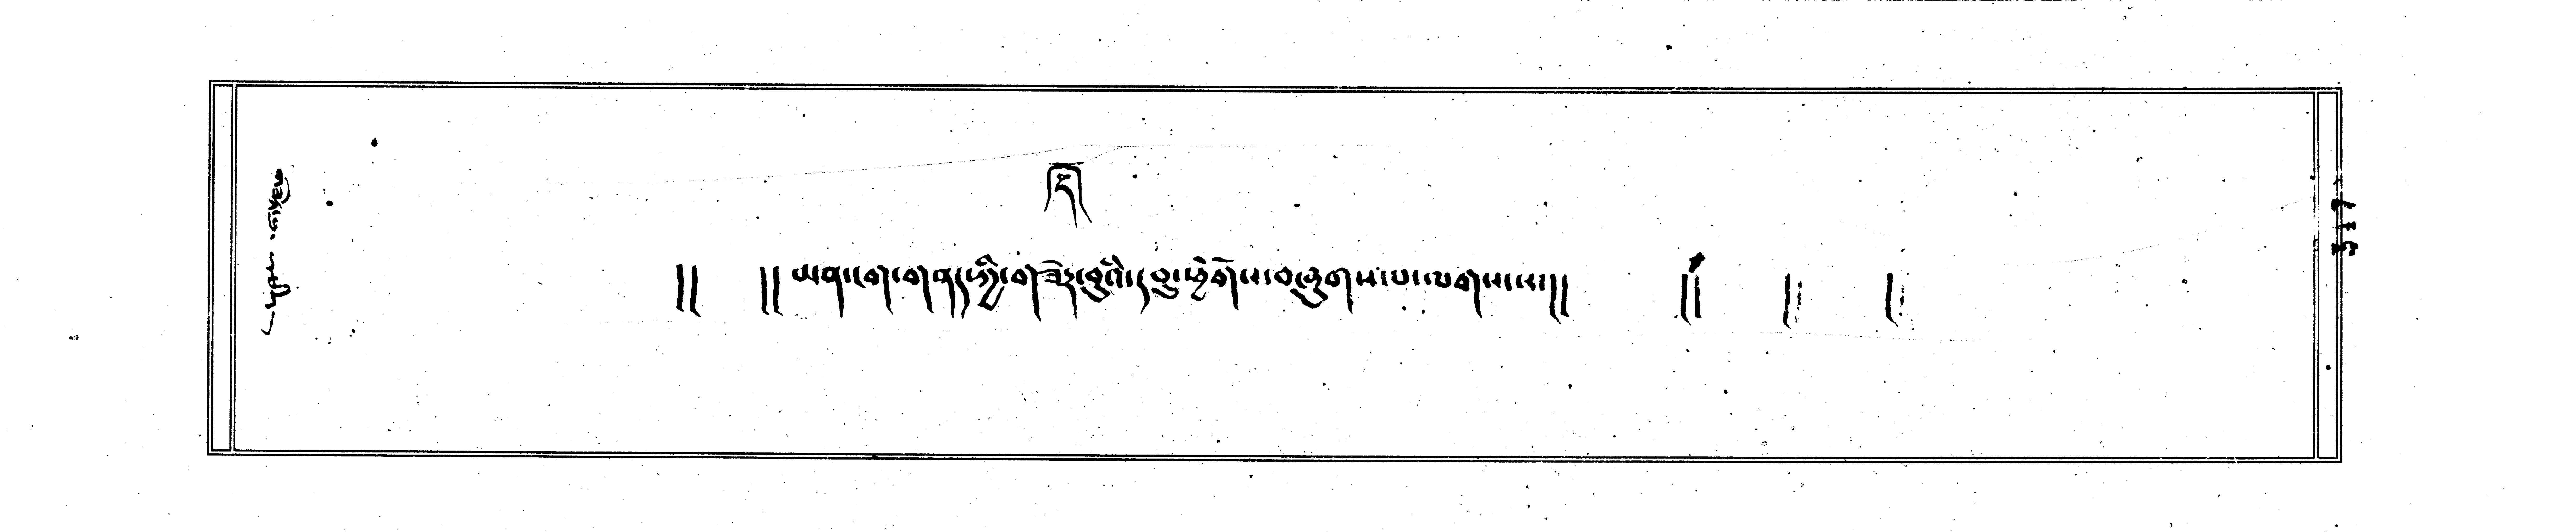༼ད༽།། མན་ངག་གནད་ཀྱི་གཟེར་བུའི་དབུ་ཕྱོགས་བཞུགས་པ་ལགས་སོ།།